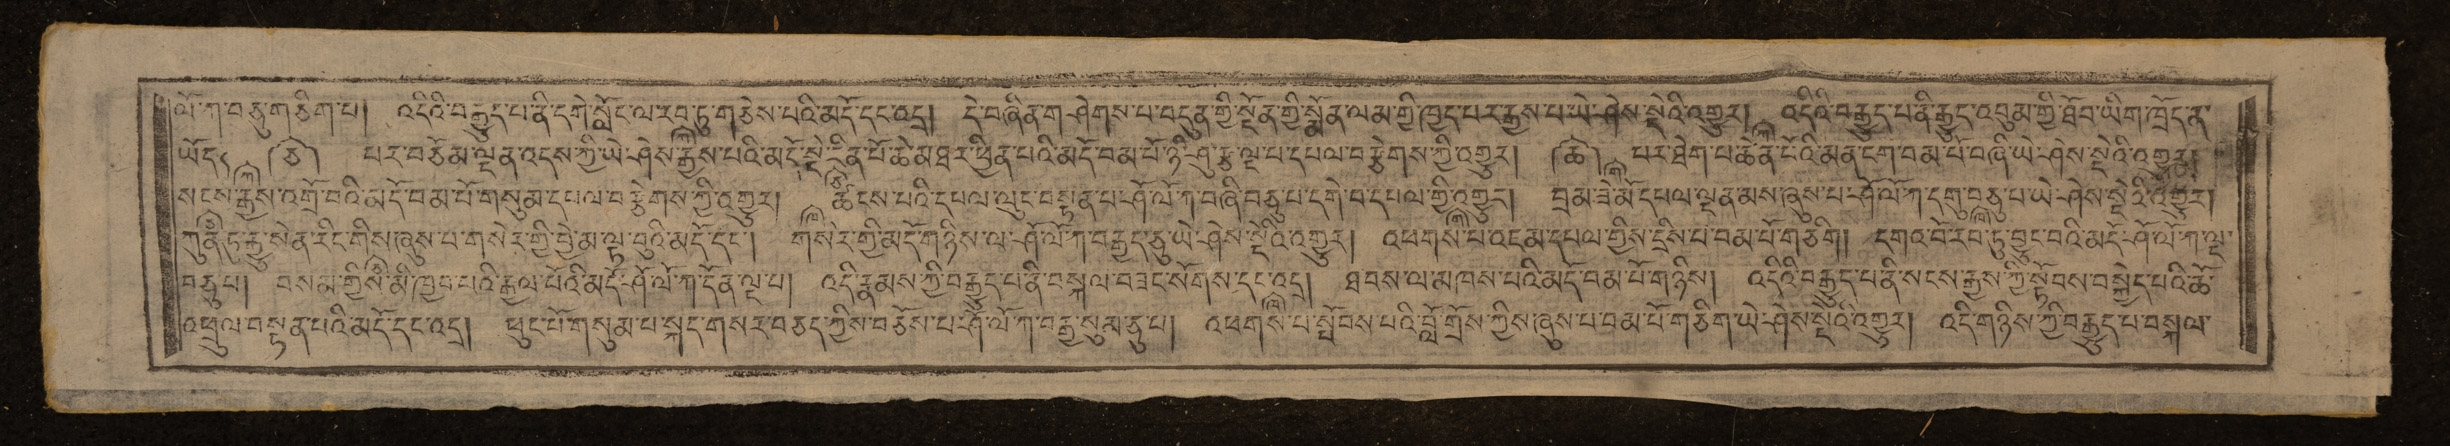ལོ་ཀ་བཅུ་གཅིག་པ། འདིའི་བརྒྱུད་པ་ནི་དགེ་སློང་ལ་རབ་ཏུ་གཅེས་པའི་མདོ་དང་འདྲ། དེ་བཞིན་གཤེགས་པ་བདུན་གྱི་སྡོན་གྱི་སྨོན་ན་ལམ་གྱི་ཁྱད་པར་རྒྱས་པ་ཡེ་ཤེས་སྡེའི་འགྱུར། འདིའི་བརྒྱུད་པ་ནི་རྒྱུད་པ་ནིར་གྱུད་འབུམ་གྱི་ཐོབ་ཡིག་ཁྲོད་ན་
ཡོད་{ཅ}་པར་བཅོམ་ལྡན་འདས་ཀྱི་ཡེ་ཤེས་རྒྱས་པའི་མདོ་སྡེ་རིན་པོ་ཆེ་མཐར་ཕྱིན་པའི་མདོ་བམ་པོ་ཉི་ཤུ་རྩ་ལྔ་པ་དཔལ་བརྩེགས་ཀྱི་འགྱུར། {ཆ}་པར་ཐེག་པ་ཆེན་པོའི་མན་དག་བམ་པོ་བཞི་ཡེ་ཤེས་སྡེའི་འགྱུར།
སངས་རྒྱས་འགྲོ་བའི་མདོ་བམ་པོ་གསུམ་དཔལ་བརྩེགས་ཀྱི་འགྱུར། ཚངས་པའི་དཔལ་ལུང་བསྟན་པ་ཤོ་ལོ་ཀ་བཞི་བཅུ་པ་དགེ་བ་དཔལ་གྱི་འགྱུར། བྲམ་ཟེ་མོ་དཔལ་ལྡན་མས་ཞུས་པ་ཤོ་ལོ་ཀ་དགུ་བཅུ་པ་ཡེ་ཤེས་སྡེའི་འགྱུར།
ཀུན་ཏུ་རྒྱུ་སེན་རིང་གིས་ཞུས་པ་གསེར་གྱི་བྱེ་མ་ལྟ་བུའི་མདོ་དང་། གསར་གྱི་མདོ་གཉིས་ལ་ཤོ་ལོ་ཀ་བརྒྱད་ཅུ་ཡེ་ཤེས་སྡེའི་འགྱུར། འཕགས་པ་འཇམ་དཔལ་གྱིས་དྲིས་པ་བམ་པོ་གཅིག། དགའ་བོ་རབ་ཏུ་བྱུང་བའི་མདོ་ཤོ་ལོ་ཀ་ལྔ་
བཅུ་པ། བསམ་གྱིས་མི་ཁྱབ་པའི་རྒྱལ་པོའི་མདོ་ཤོ་ལོ་ཀ་དོན་ལྔ་པ། འདི་རྣམས་ཀྱི་བརྒྱུད་པ་ནི་བསྐལ་བཟང་སོགས་དང་འདྲ། ཐབས་ལ་མཁས་པའི་མདོ་བམ་པོ་གཉིས། འདིའི་བརྒྱུད་པ་ནི་སངས་རྒྱས་ཀྱི་སྟོབས་བསྐྱེད་པའི་ཚོ་
འཕྲུལ་བསྟན་པའི་མདོ་དང་འདྲ། ཕུང་པོ་གསུམ་པ་སྐད་གསར་བཅད་ཀྱིས་བཅོས་པ་ཤོ་ལོ་ཀ་བརྒྱ་སུམ་ཅུ་པ། འཕགས་པ་སྤོབས་པའི་གྦློ་གྲོས་ཀྱིས་ཞུས་པ་བམ་པོ་གཅིག་ཡེ་ཤེས་སྡེའི་འགྱུར། འདི་གཉིས་ཀྱི་བརྒྱུད་པ་བསྐལ་